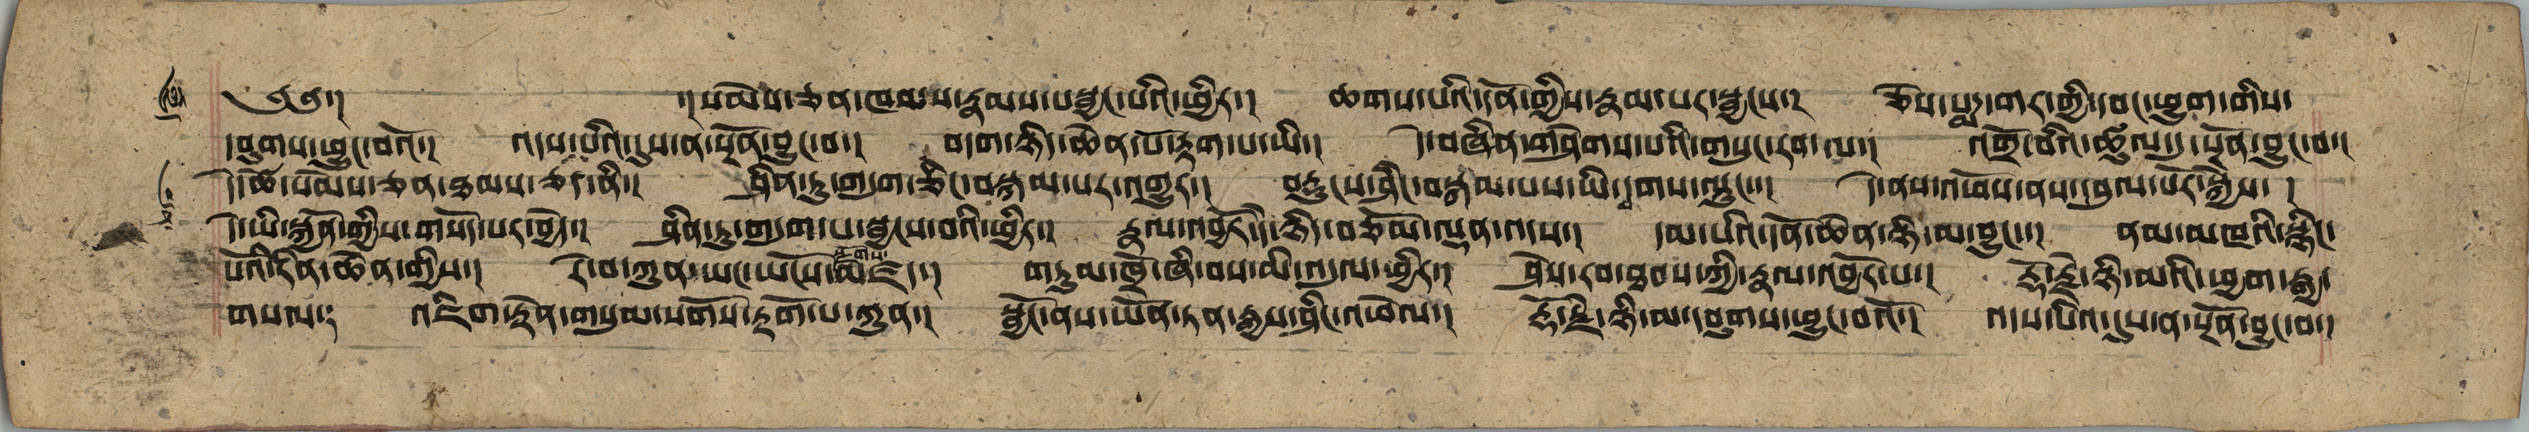༄༅་། ་།སེམས་ཅན་ཁམས་རྣམས་པསྦྱང་པའི་ཕྱིར་། ཆགས་པའི་དོན་གྱིས་རྣམ་པར་སྦྱངས་། ཅེས་པདྨ་གར་གྱི་དབང་ཕྱུག་གིས་
དབུགས་ཕྱུང་བའོ་། འདས་པའི་དུས་ན་སྔོན་བྱུང་བ་། བདག་ཉིད་ཆེན་པོ་རྟག་པ་ཡི་། དེ་བཞིན་གཤེགས་པའི་གསུང་རབ་ལ་། འགྲོ་བའི་ཚུལ་དུ་སྔོན་བྱུང་བ་
དེ་ཚེ་སེམས་ཅན་ཐམས་ཅད་ནི་། ཤིན་ཏུ་གདུག་ཅིང་བསྐམ་པར་འགྱུར་། བརྡུངས་ཤིང་བསྐམ་པས་ཡི་དྭགས་ལྟུང་་། དེ་ནས་འཕོས་ནས་དབུལ་པོར་སྐྱེས་ །
དེ་ཡི་སྐྱོན་གྱིས་གསོད་པར་བྱེད་། ཤིན་ཏུ་གདུག་པ་སྦྱངས་བའི་ཕྱིར་། རྣལ་འབྱོར་དེ་ཉིད་བཅོམ་ལྡན་འདས་། དམ་པའི་དོན་ཆེན་ཉི་མ་བྱུང་་། ནམ་མཁའི་སྙིང་
པོའི་རིན་ཆེན་གྱིས་། རེ་བ་ཀུན་ཡང་ཡོངས་སྫོགས་མཛད་། གཏུམ་ཁྲོ་ཞི་བས་མི་འདུལ་ཕྱིར་། ཤེས་རབ་ཐབས་ཀྱི་རྣལ་འབྱོར་པ་། རྡོ་རྗེ་ཉི་མའི་ཕྱག་རྒྱ་
གསལ་༑ འཇིག་རྟེན་གསུམ་སོགས་རྟོག་པ་ཀུན་། སྦྱོང་ནས་ཡོན་ཏན་རྒྱས་ཤིང་འཕེལ་། རྡོ་རྗེ་ཉི་མ་དབུགས་ཕྱུང་བའོ་། འདས་པའི་དུས་ན་སྔོན་བྱུང་བ་།